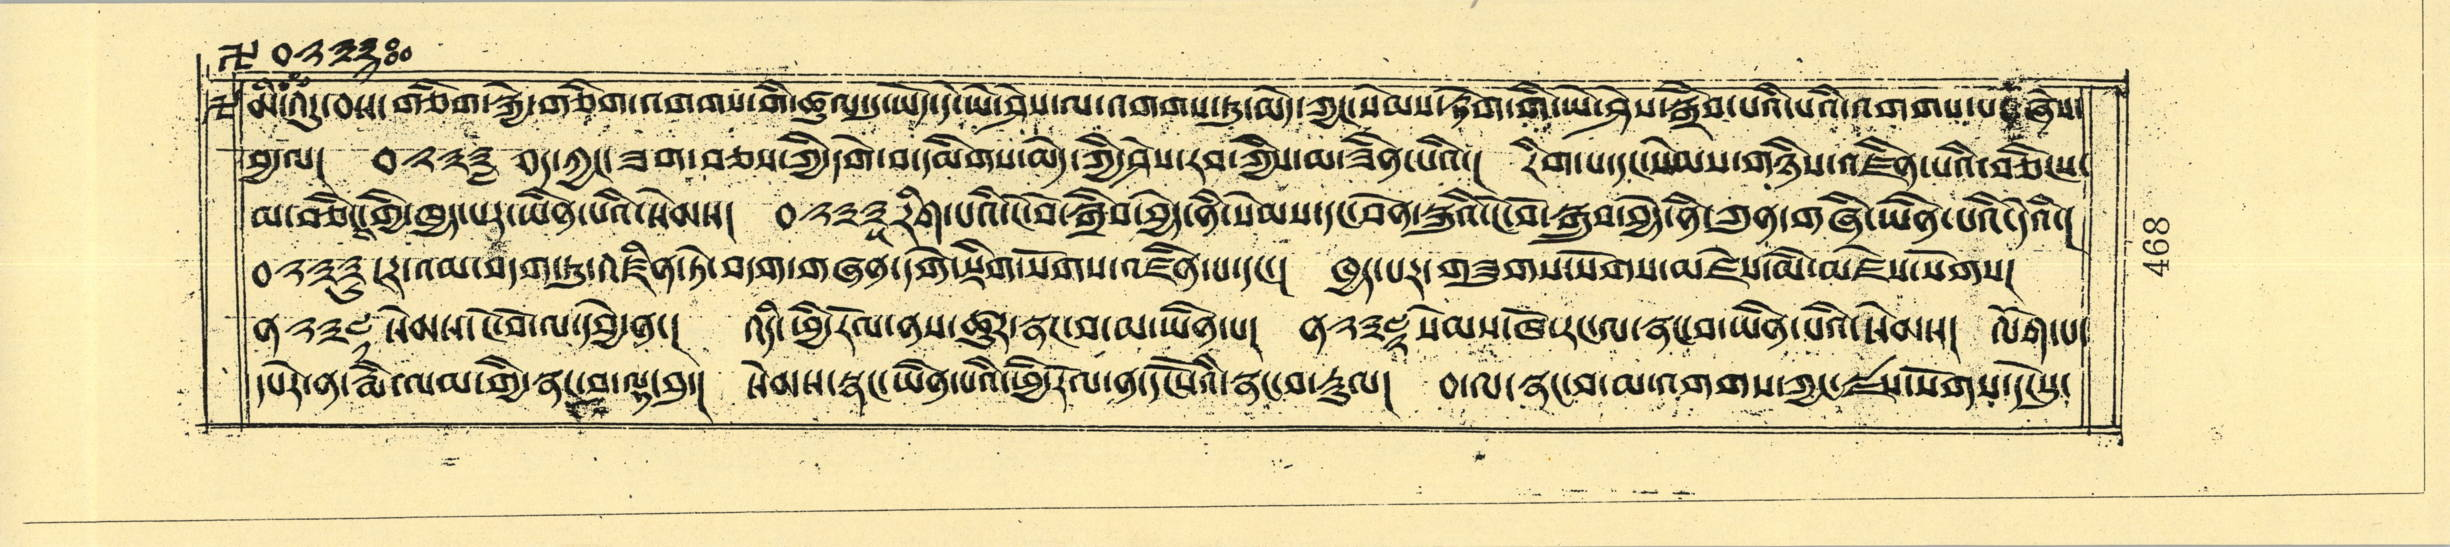བ༢༣༨།༡༼མི་འདུ་བས༽གཅིག་སྐྱེ་གཅིག་འགག་གི་ཚུལ་དུ་ཡོད་དེ་ཡེ་ཤེས་ལ་འགག་ཏུ་མེད་ཀྱང་སེམས་རྟོག་གི་ཡེ་ཤེས་བསྒྲིབས་པས་འགག་པ་ཞེས་
བྱ་ལ། བ༢༣༣།༤༼ཅད་ཀྱང༽ཟག་བཅས་ཀྱི་དགེ་བ་དམིགས་མེད་ཀྱི་ཤེས་རབ་ཀྱིས་མ་ཟིན་པའི། རིག་པ་དང་སེམས་གཉིས་འཛིན་པས་བཅིངས་
མ་བཅིངས་ཀྱི་ཁྱད་པར་ཡིན་པས་༼སེམས༽བ༢༣༣།༥༼རིག་པའི༽ངོ་བོ་སྒྲིབ་བྱེད་ནི་སེམས་དང་བོན་སྐུའི་ངོ་བོ་སྒྲུབ་བྱེད་ནི་ཀུན་གཞི་ཡིན་པའི་དེའི་
བ༢༣༣།༦༼ངར༽འམ་བདག་ཏུ་འཛིན་ཏེ་བདག་གཞན་དགེ་སྡིག་སོགས་འཛིན་པ་དང་༼ཁྱད་པར༽གཟུགས་སོགས་མཛེས་མི་མཛེས་སོགས་
ན༢༣༤།༡༼སེམས༽ངོ་བོ་ལ་དབྱེ་ན་༼འདི༽ཕྱི་རོལ་ནས་ཚུར་སྣང་བ་མ་ཡིན་པ་ན༢༣༤།༢སེམས་ཁོ་རང་ལ་སྣང་བ་ཡིན་པས་སེམས་ ལོག་པ་
དཔེར་ན་རྨི་ལམ་གྱི་སྣང་བ་ལྟ་བུ་༼སེམས༽སྣང་ཡིན་པའི་ཕྱི་རོལ་ན་དངོས་པོའི་སྣང་བ་རྡུལ་༼བ་ལ༽སྣང་བ་མ་འགག་ཀྱང་རྫས་སོགས་དངོས་སུ་